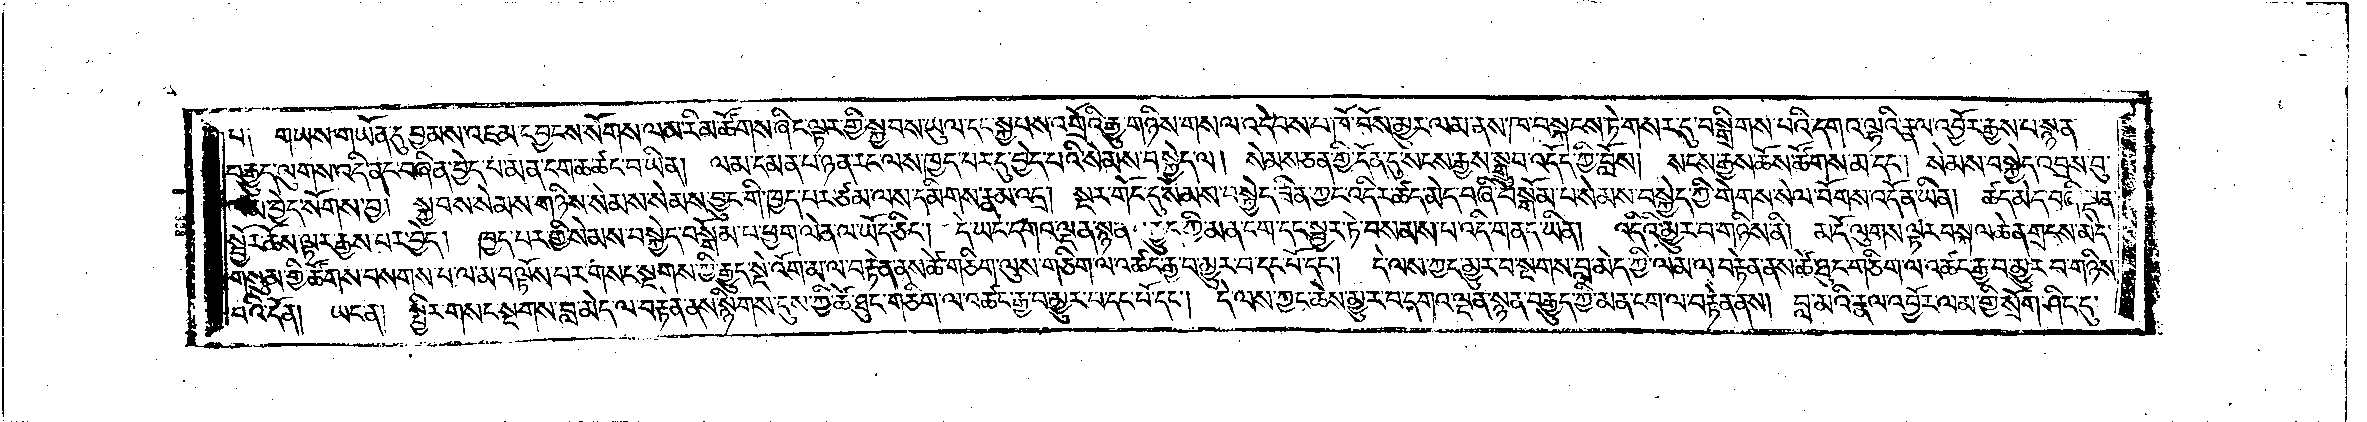པ༑ གཡས་གཡོན་དུ་བྱམས་འཇམ་དབྱངས་སོགས་ལམ་རིམ་ཚོགས་ཞིང་ལྟར་གྱི་སྐྱབས་ཡུལ་དང་སྐྱབས་འགྲོའི་རྒྱུ་གཉིས་གསལ་འདེབས་པ་ཁོ་བོས་མྱུར་ལམ་ནས་ཁ་བསྐངས་ཏེ་གསར་དུ་བསྒྲིགས་པའི་དགའ་ལྷའི་རྣལ་འབྱོར་རྒྱས་པ་སྙན་
བརྒྱུད་ལུགས་འདི་ནང་བཞིན་བྱེད་པ་མན་ངག་ཆ་ཚང་བ་ཡིན། ལམ་དམན་པ་ཉན་རང་ལས་ཁྱད་པར་དུ་བྱེད་པའི་སེམས་བསྐྱེད་ལ། སེམས་ཅན་གྱི་དོན་དུ་སངས་རྒྱས་སྒྲུབ་འདོད་ཀྱི་བློས། སངས་རྒྱས་ཆོས་ཚོགས་མ་དང་། སེམས་བསྐྱེད་འབྲས་བུ་
ལམ་བྱེད་སོགས་བྱ། སྐྱབས་སེམས་གཉིས་སེམས་སེམས་བྱུང་གི་ཁྱད་པར་ཙམ་ལས་དམིགས་རྣམ་འདྲ། སྔར་གོང་དུ་སེམས་བསྐྱེད་ཟིན་ཀྱང་འདིར་ཚད་མེད་བཞི་བསྒོམ་པ་སེམས་བསྐྱེད་ཀྱི་གེགས་སེལ་བོགས་?་འདོན་ཡིན། ཚད་མེད་བཞི་ལྡན་
སྦྱོར་ཆོས་ལྟར་རྒྱས་པར་བྱེད། ཁྱད་པར་གྱི་སེམས་བསྐྱེད་བསྒོམ་པ་ཕྱག་ལེན་ལ་ཡོད་ཅིང་། དེ་ཡང་དགའ་ལྡན་སྙན་བརྒྱུད་ཀྱི་མན་ངག་དང་སྦྱར་ཏེ་བསམས་པ་འདི་གནད་ཡིན། འདིའི་མྱུར་བ་གཉིས་ནི། མདོ་ལུགས་ལྟར་བསྐལ་ཆེན་གྲངས་མེད་
གསུམ་གྱི་ཚོགས་བསགས་པ་ལམ་བལྟོས་པར་གསང་སྔགས་ཀྱི་རྒྱུད་སྡེ་འོག་མ་ལ་བརྟེན་ནས་ཚེ་གཅིག་ལུས་གཅིག་ལ་འཚང་རྒྱ་བ་མྱུར་བ་དང་པོ་དང་། དེ་ལས་ཀྱང་མྱུར་བ་སྔགས་བླ་མེད་ཀྱི་ལམ་ལ་བརྟེན་ནས་ཚེ་ཐུང་གཅིག་ལ་འཚང་རྒྱ་བ་མྱུར་བ་གཉིས་
པའི་དོན། ཡང་ན། སྤྱིར་གསང་སྔགས་བླ་མེད་ལ་བརྟེན་ནས་སྙིགས་དུས་ཀྱི་ཚེ་ཐུང་གཅིག་ལ་འཚང་རྒྱ་བ་མྱུར་བ་དང་པོ་དང་། དེ་ལས་ཀྱང་ཆེས་མྱུར་བ་དགའ་ལྡན་སྙན་བརྒྱུད་ཀྱི་མན་ངག་ལ་བརྟེན་ནས། བླ་མའི་རྣལ་འབྱོར་ལམ་གྱི་སྲོག་ཤིང་དུ་